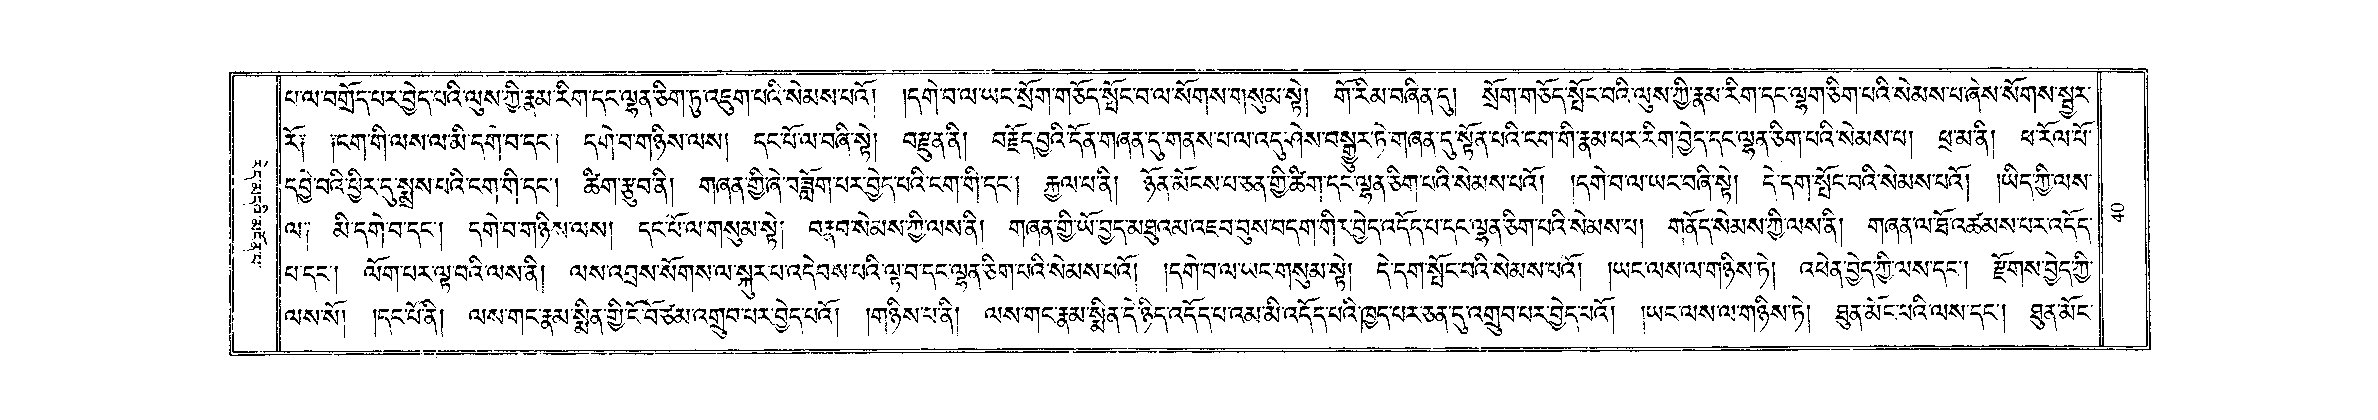པ་ལ་བགྲོད་པར་བྱེད་པའི་ལུས་ཀྱི་རྣམ་རིག་དང་ལྷན་ཅིག་ཏུ་འཇུག་པའི་སེམས་པའོ། །དགེ་བ་ལ་ཡང་སྲོག་གཅོད་སྤོང་བ་ལ་སོགས་གསུམ་སྟེ། གོ་རིམ་བཞིན་དུ། སྲོག་གཅོད་སྤོང་བའི་ལུས་ཀྱི་རྣམ་རིག་དང་ལྷག་ཅིག་པའི་སེམས་པ་ཞེས་སོགས་སྦྱར་
རོ༑ ༑ངག་གི་ལས་ལ་མི་དགེ་བ་དང་། དགེ་བ་གཉིས་ལས། དང་པོ་ལ་བཞི་སྟེ། བརྫུན་ནི། བརྗོད་བྱའི་དོན་གཞན་དུ་གནས་པ་ལ་འདུ་ཤེས་བསྒྱུར་ཏེ་གཞན་དུ་སྟོན་པའི་ངག་གི་རྣམ་པར་རིག་བྱེད་དང་ལྷན་ཅིག་པའི་སེམས་པ། ཕྲ་མ་ནི། ཕ་རོལ་པོ་
དབྱེ་བའི་ཕྱིར་དུ་སྨྲས་པའི་ངག་གི་དང་། ཚིག་རྩུབ་ནི། གཞན་གྱི་ཞེ་བཟློག་པར་བྱེད་པའི་ངག་གི་དང་། རྐྱལ་པ་ནི། ཉོན་མོངས་པ་ཅན་གྱི་ཚིག་དང་ལྷན་ཅིག་པའི་སེམས་པའོ། །དགེ་བ་ལ་ཡང་བཞི་སྟེ། དེ་དག་སྤོང་བའི་སེམས་པའོ། །ཡིད་ཀྱི་ལས་
ལ༑ མི་དགེ་བ་དང་། དགེ་བ་གཉིས་ལས། དང་པོ་ལ་གསུམ་སྟེ། བརྣབ་སེམས་ཀྱི་ལས་ནི། གཞན་གྱི་ཡོ་བྱད་མཐུའམ་འཇབ་བུས་བདག་གིར་བྱེད་འདོད་པ་དང་ལྷན་ཅིག་པའི་སེམས་པ། གནོད་སེམས་ཀྱི་ལས་ནི། གཞན་ལ་ཐོ་འཚམས་པར་འདོད་
པ་དང་། ལོག་པར་ལྟ་བའི་ལས་ནི། ལས་འབྲས་སོགས་ལ་སྐུར་པ་འདེབས་པའི་ལྟ་བ་དང་ལྷན་ཅིག་པའི་སེམས་པའོ། །དགེ་བ་ལ་ཡང་གསུམ་སྟེ། དེ་དག་སྤོང་བའི་སེམས་པའོ། །ཡང་ལས་ལ་གཉིས་ཏེ། འཕེན་བྱེད་ཀྱི་ལས་དང་། རྫོགས་བྱེད་ཀྱི་
ལས་སོ། །དང་པོ་ནི། ལས་གང་རྣམ་སྨིན་གྱི་ངོ་བོ་ཙམ་འགྲུབ་པར་བྱེད་པའོ། །གཉིས་པ་ནི། ལས་གང་རྣམ་སྨིན་དེ་ཉིད་འདོད་པ་འམ་མི་འདོད་པའི་ཁྱད་པར་ཅན་དུ་འགྲུབ་པར་བྱེད་པའོ། །ཡང་ལས་ལ་གཉིས་ཏེ། ཐུན་མོང་པའི་ལས་དང་། ཐུན་མོང་